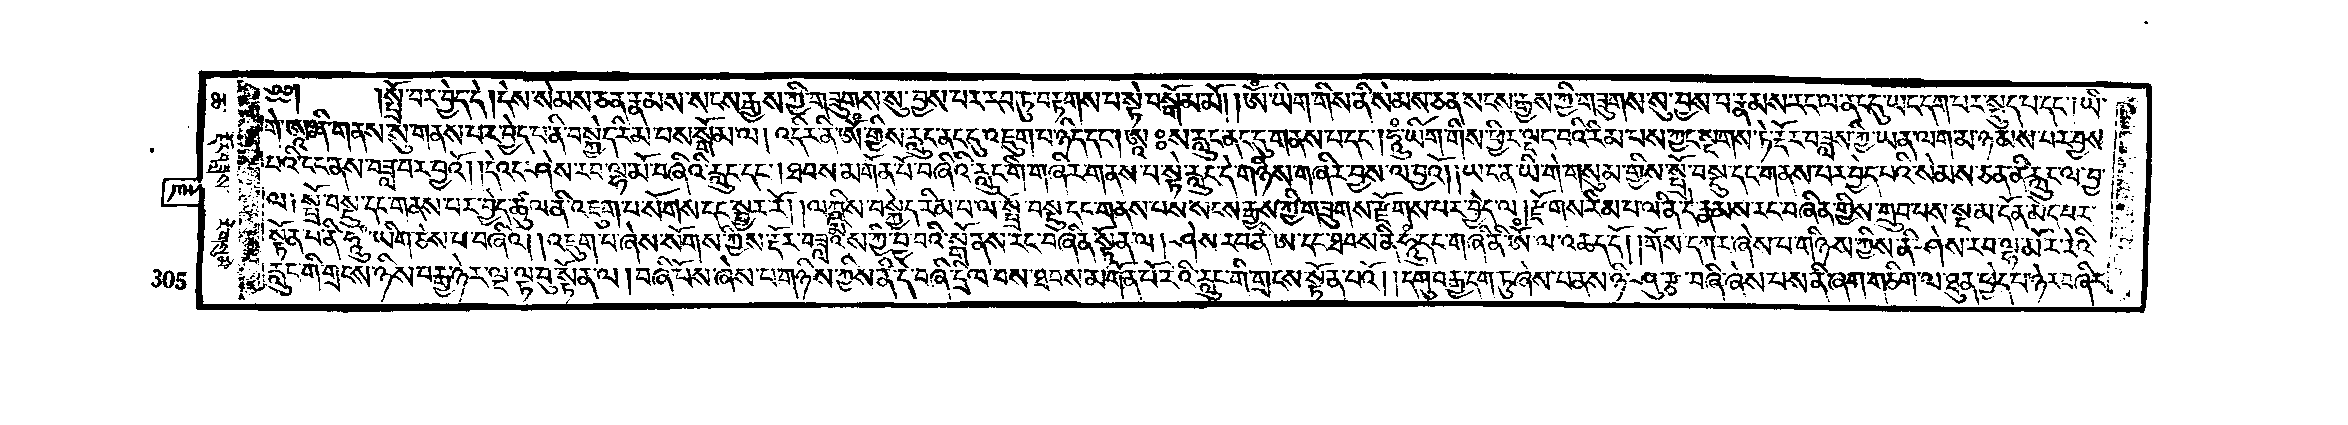༄༅། །སྤྲོ་བར་བྱེད་དེ། དེས་སེམས་ཅན་རྣམས་སངས་རྒྱས་ཀྱི་གཟུགས་སུ་བྱས་པར་རབ་ཏུ་བརྟགས་པ་སྟེ་བསྒོམ་མོ། །ཨོཾ་ཡིག་གིས་ནི་སེམས་ཅན་སངས་རྒྱས་ཀྱི་གཟུགས་སུ་བྱས་པ་རྣམས་རང་ལ་ནང་དུ་ཡང་དག་པར་སྡུད་པ་དང་། ཡི་
གེ་ཨཱཿ ནི་གནས་སུ་གནས་པར་བྱེད་པ་ནི་བསྐྱེད་རིམ་པས་སྒོམ་ལ། འདིར་ནི་ཨོཾ་གྱིས་རླུང་ནང་དུ་འཇུག་པ་ཉིད་དང་། ཨཱཿ ས་རླུང་ནང་དུ་གནས་པ་དང་། ཧཱུཾ་ཡིག་གིས་ཕྱིར་ལྡང་བའི་རིམ་པས་ཀྱང་སྔགས་ཏེ་རྡོར་བཟླས་ཀྱི་ཡན་ལག་མ་ཉམས་པར་བྱས་
པའི་ངང་ནས་བཟླ་བར་བྱའོ། །དེའང་ཤེས་རབ་ལྷ་མོ་བཞིའི་རླུང་དང་། ཐབས་མགོན་པོ་བཞིའི་རླུང་གི་གཞིར་གནས་པ་སྟེ་རླུང་དེ་གཉིས་གཞིར་བྱས་ལ་བྱའོ། །ཡང་ན་ཡི་གེ་གསུམ་གྱིས་སྤྲོ་བསྡུ་དང་གནས་པར་བྱེད་པའི་སེམས་ཅན་ནི་
རླུང་ལ་བྱ་ལ། སྤྲོ་བསྡུ་དང་གནས་པར་བྱེད་ཚུལ་ནི་འཇུག་པ་སོགས་དང་སྦྱར་རོ། །ལཀྵྨཱིས་བསྐྱེད་རིམ་པ་ལ་སྤྲོ་བསྡུ་དང་གནས་པས་སངས་རྒྱས་ཀྱི་གཟུགས་རྫོགས་པར་བྱེད་ལ། རྫོགས་རིམ་པ་ལ་ནི་དེ་རྣམས་རང་བཞིན་གྱིས་གྲུབ་པས་སྔ་མ་དོན་མེད་པར་
སྟོན་པ་ནི་ཧཱུཾ་ཡིག་ཅེས་པ་བཞིའོ། །འཇུག་པ་ཞེས་སོགས་ཀྱིས་རྡོར་བཟླས་ཀྱི་བྱ་བའི་སྒོ་ནས་རང་བཞིན་སྟོན་ལ། ཤེས་རབ་ནི་ཨ་དང་ཐབས་ནི་ཧཱུཾ་དང་གཞི་ནི་ཨོཾ་ལ་འཆད་དོ། །གོས་དཀར་ཞེས་པ་གཉིས་ཀྱིས་ནི་ཤེས་རབ་ལྷ་མོ་རེ་རེའི་
རླུང་གི་གྲངས་ཉིས་བརྒྱ་ཉེར་ལྔ་ལྟ་བུ་སྟོན་ལ། བཞི་པོས་ཞེས་པ་གཉིས་ཀྱིས་ནི་དེ་བཞི་དྲིལ་བས་ཐབས་མགོན་པོ་རེའི་རླུང་གི་གྲངས་སྟོན་པའོ། །དགུ་བརྒྱ་དག་ཏུ་ཞེས་པ་ནས་ཉི་ཤུ་རྩ་བཞི་ཞེས་པས་ནི་ཞག་གཅིག་ལ་ཐུན་ཕྱེད་པ་ཉེར་བཞིར་